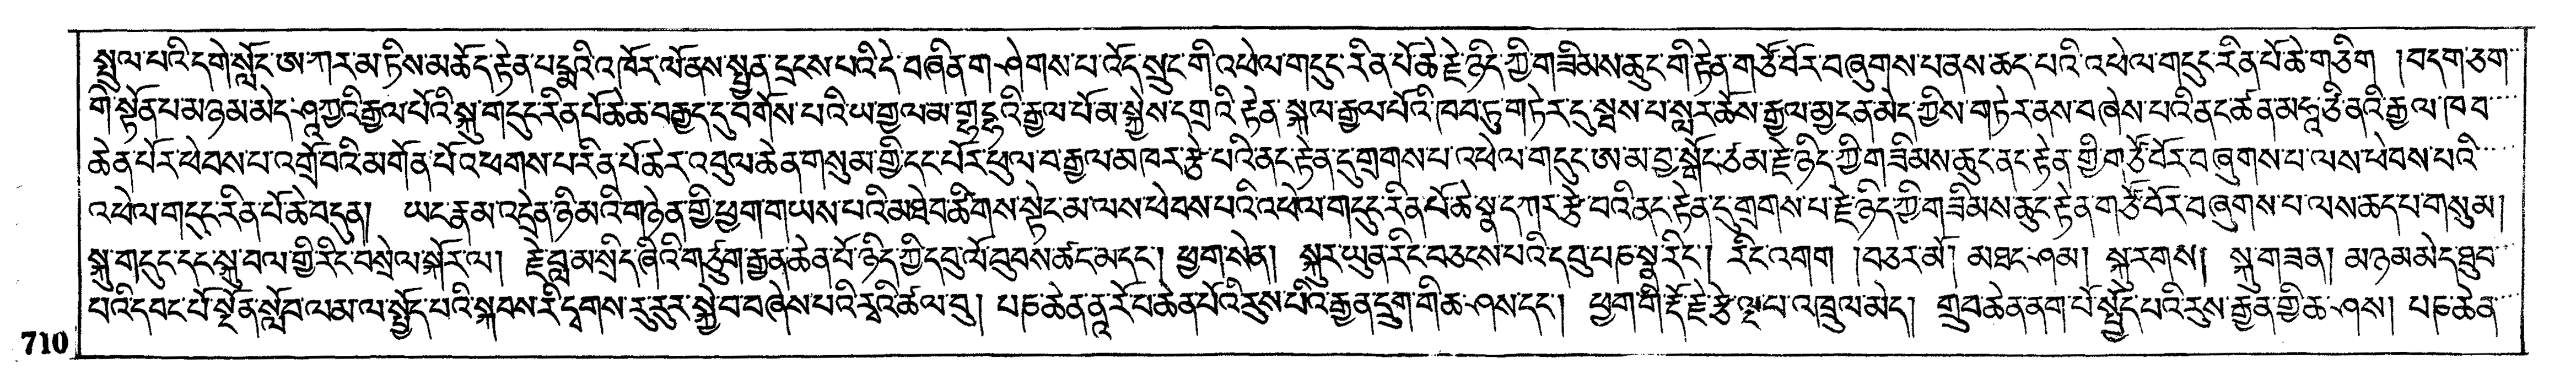སྤྲུལ་པའི་དགེ་སློང་ཨ་ཀར་མ་ཉིས་མཆོད་རྟེན་པདམའི་འཁོར་ལོ་ནས་སྤྱན་དྲངས་པའི་དེ་བཞིན་གཤེགས་པ་འོད་སྲུང་གི་འཕེལ་གདུང་རིན་པོ་ཆེ་རྗེ་ཉིད་ཀྱི་གཟིམས་ཆུང་གི་རྟེན་གཙོ་བོར་བཞུགས་པ་ནས་ཆད་པའི་འཕེལ་གདུང་རིན་པོ་ཆེ་གཅིག །བདག་ཅག་
གི་སྟོན་པ་མཉམ་མེད་ཤཱཀྱའི་རྒྱལ་པོའི་སྐུ་གདུང་རིན་པོ་ཆེ་ཆ་བརྒྱད་དུ་བགོས་པའི་ཡ་གྱལ་མ་གྷ་དྷའི་རྒྱལ་པོ་མ་སྐྱེས་དགྲའི་རྟེན་སྐལ་རྒྱལ་པོའི་ཁབ་ཏུ་གཏེར་དུ་སྦས་པ་སླར་ཆོས་རྒྱལ་མྱ་ངན་མེད་ཀྱིས་གཏེར་ནས་བཞེས་པའི་ནང་ཚན་མཧཱ་ཙི་ནའི་རྒྱལ་ཁབ་
ཆེན་པོར་ཕེབས་པ་འགྲོ་བའི་མགོན་པོ་འཕགས་པ་རིན་པོ་ཆེར་འབུལ་ཆེན་གསུམ་གྱི་དང་པོར་ཕུལ་བ་རྒྱལ་མཁར་རྩེ་བའི་ནང་རྟེན་དུ་གྲགས་པ་འཕེལ་གདུང་ཨ་མ་བྱ་སྒོང་ཙམ་རྗེ་ཉིད་ཀྱི་གཟིམས་ཆུང་ནང་རྟེན་གྱི་གཙོ་བོར་བཞུགས་པ་ལས་ཕེབས་པའི་
འཕེལ་གདུང་རིན་པོ་ཆེ་བདུན། ཡང་རྣམ་འདྲེན་ཉི་མའི་གཉེན་གྱི་ཕྱག་གཡས་པའི་མཐེབ་ཚིགས་སྟེང་མ་ལས་ཕེབས་པའི་འཕེལ་གདུང་རིན་པོ་ཆེ་སྣ་དཀར་རྩེ་བའི་ནང་རྟེན་དུ་གྲགས་པ་རྗེ་ཉིད་ཀྱི་གཟིམས་ཆུང་རྟེན་གཙོ་བོར་བཞུགས་པ་ལས་ཆད་པ་གསུམ།
སྐུ་གདུང་དང་སྐུ་བལ་གྱི་རིང་བསྲེལ་སྐོར་ལ། རྗེ་བླ་མ་སྲིད་ཞིའི་གཙུག་རྒྱན་ཆེན་པོ་ཉིད་ཀྱི་དབུ་ལོ་བུབས་ཚང་མ་དང་། ཕྱག་སེན། སྐུར་ཡུན་རིང་བཅངས་པའི་དབུ་པཎ་སྣ་རིང་། རིང་འགག །བཙར་མོ། མཐང་ཤམ། སྐུ་རགས། སྐུ་གཟན། མཉམ་མེད་ཐུབ་
པའི་དབང་པོ་སྔོན་སློབ་ལམ་ལ་སྤྱོད་པའི་སྐབས་རི་དྭགས་རུ་རུར་སྐྱེ་བ་བཞེས་པའི་རྭའི་ཚལ་བུ། པཎ་ཆེན་ནཱ་རོ་བ་ཆེན་པོའི་རུས་པའི་རྒྱན་དྲུག་གི་ཆ་ཤས་དང་། ཕྱག་གི་རྡོ་རྗེ་རྩེ་ལྔ་པ་འཁྲུལ་མེད། གྲུབ་ཆེན་ནག་པོ་སྤྱོད་པའི་རུས་རྒྱན་གྱི་ཆ་ཤས། པཎ་ཆེན་